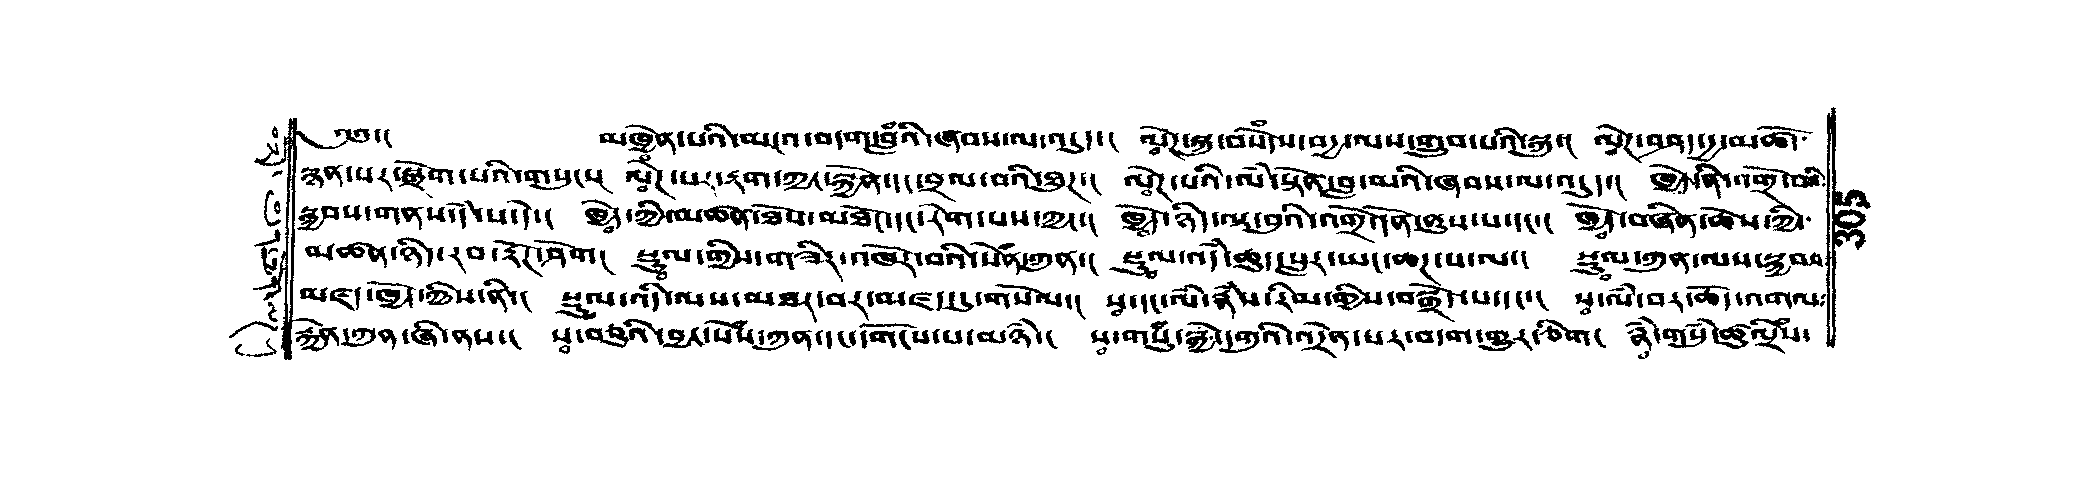།མཁྱེན་པའི་མངའ་བདག་བླ་མའི་ཞབས་ལ་འདུད། །ལེགས་སྐུ་བསོད་ནམས་བརྒྱ་ལས་གྲུབ་པའི་སྐུ། །ལེགས་བཤད་རྒྱ་མཚོ་
སྙན་པར་སྒྲོག་པའི་གསུངས། །ལེགས་པར་བརྟགས་ཀྱང་སྐྱོན་དང་བྲལ་བའི་ཐུགས། །ལེགས་པའི་ལམ་སྟོན་བླ་མའི་ཞབས་ལ་འདུད། །ཁྱེད་ནི་འགྲོ་བའི་
སྐྱབས་གནས་དམ་པ་དེ། །ཁྱེད་ཀྱི་མཚན་ཐོས་མཐོང་དང་རེག་པས་ཀྱང་། །ཁྱེད་ཉིད་ལྟ་བུའི་འགྲོ་དོན་ནུས་པ་དང་། །ཁྱེད་བཞིན་ཆོས་ཀྱི་
མཚན་ཉིད་རབ་རྟོགས་ཤོག།སྡུག་བསྔལ་གྱིས་གཟིར་འཁོར་བའི་སེམས་ཅན་ཀུན། །སྡུག་བསྔལ་འདམ་ཆུད་སླར་ཡང་ཆགས་པ་ལ། །སྡུག་བསྔལ་ཀུན་ལས་སྐྱབས་
མཛད་ཁྱོད་ཀྱིས་ནི། །སྡུག་བསྔལ་འདི་ལས་ཐར་བར་མཛད་དུ་གསོལ། །ས་དང་ལམ་རྣམས་རིམ་གྱིས་བགྲོད་པ་དང། །ས་ལམ་བར་ཆད་འགལ་
རྐྱེན་ཀུན་ཞི་ནས། །ས་བཅུའི་བྱང་སེམས་ཀུན་དང་དགོངས་པ་མཉམ། །ས་གསུམ་སྐྱེ་དགུའི་འདྲེན་པར་བདག་གྱུར་ཅིག །རྣམ་གསུམ་ཚུལ་ཁྲིམས་